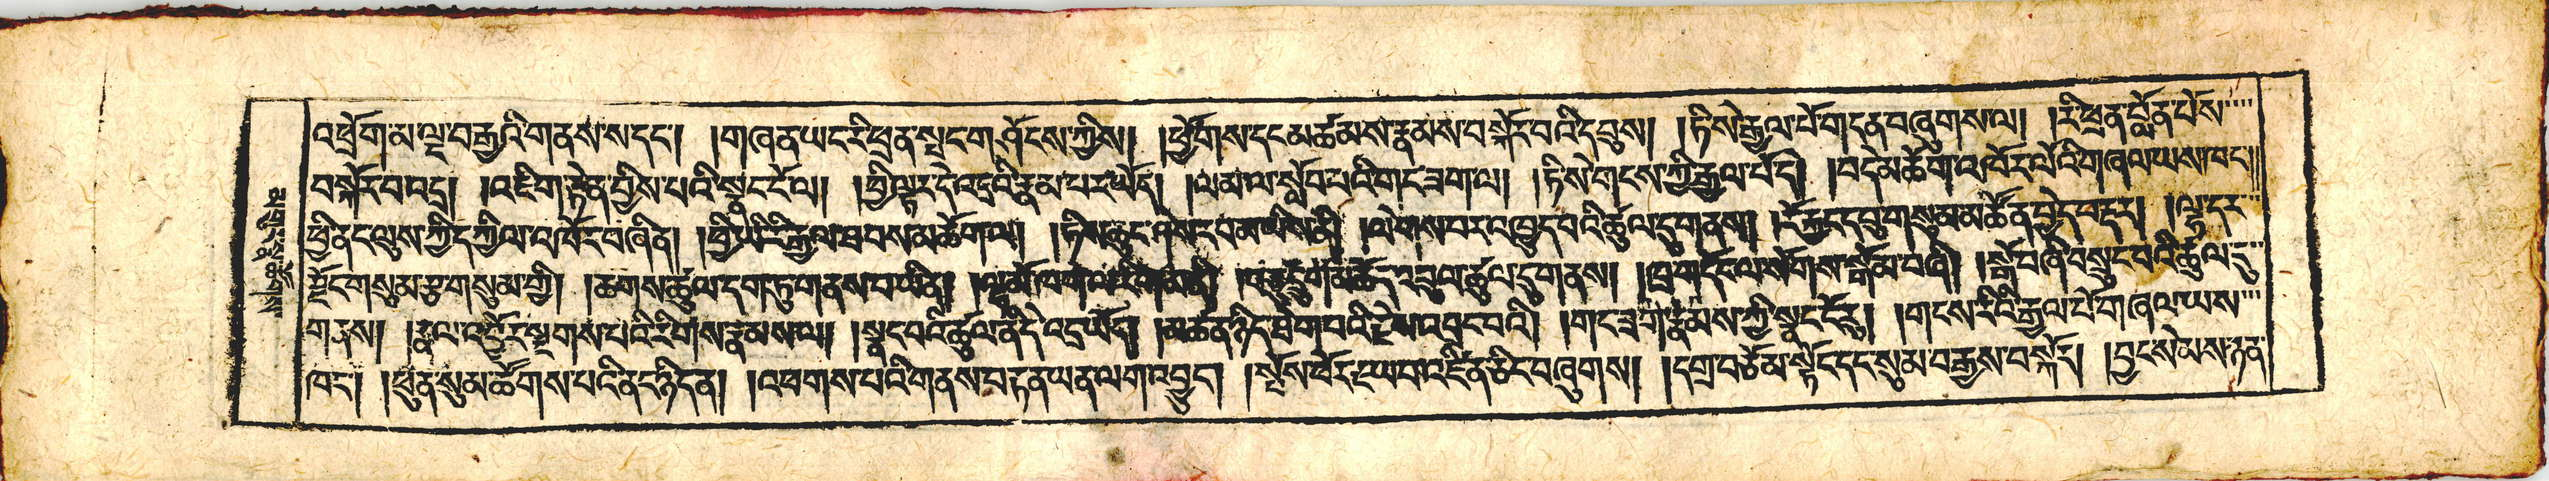འཕྲོག་མ་ལྔ་བརྒྱའི་གནས་ས་དང་། །གཞན་ཡང་རི་ཕྲན་སྤང་གཤོངས་ཀྱིས། །ཕྱོགས་དང་མཚམས་རྣམས་བསྐོར་བའི་དབུས། །ཏི་སེ་རྒྱལ་པོ་གདན་བཞུགས་ལ། །རི་ཕྲན་བློན་པོས་
བསྐོར་བ་འདྲ། །འཇིག་རྟེན་བྱིས་པའི་སྣང་ངོ་ལ། །ཕྱི་ལྟར་དེ་འདྲའི་རྣམ་པར་ཡོད། །ལམ་ལ་སློབ་པའི་གང་ཟག་ལ། །ཏི་སེ་གངས་ཀྱི་རྒྱལ་པོ་དེ། །བདེ་མཆོག་འཁོར་ལོའི་གཞལ་ཡས་ཁང་། །
ཕྱི་ནང་ལུས་ཀྱི་དཀྱིལ་འཁོར་བཞིན། །ཕྱི་ཡི་རི་རྒྱལ་ཐབས་མཆོག་ལ། །ཏིས་ཆུང་ཤེས་རབ་མ་ཡིས་ནི། །ལེགས་པར་འཁྱུད་པའི་ཚུལ་དུ་གནས། །རོ་རྐྱང་དབུ་གསུམ་མཚོན་བྱེད་བརྡར། །ལྷ་དར་
རྫོང་གསུམ་རྩ་གསུམ་གྱི། །ཆགས་ཚུལ་དག་ཏུ་གནས་པ་ཡིན། ལྷ་མོ་ཁག་ལ་རིག་མ་ནི། །བཅུ་དྲུག་མཆོད་འབུལ་ཚུལ་དུ་གནས། །ཁྲག་གདོང་ལ་སོགས་སྒོ་མ་བཞི། །སྒོ་བཞི་བསྲུང་བའི་ཚུལ་དུ་
གནས། །རྣལ་འབྱོར་སྔགས་པའི་རིགས་རྣམས་ལ། །སྣང་བའི་ཚུལ་ནི་དེ་འདྲ་ཡོད། །མཚན་ཉིད་ཐེག་པའི་རྗེས་འབྲང་བའི། གང་ཟག་རྣམས་ཀྱི་སྣང་ངོ་རུ། །གངས་རིའི་རྒྱལ་པོ་གཞལ་ཡས་
ཁང་། །ཕུན་སུམ་ཚོགས་པའི་ནང་ཉིད་ན། །འཕགས་པའི་གནས་བརྟན་ཡན་ལག་འབྱུང། །སྤོས་ཕོར་རྔ་ཡབ་འཛིན་ཅིང་བཞུགས། །དགྲ་བཅོམ་སྟོང་དང་སུམ་བརྒྱས་བསྐོར། །བྱང་སེམས་ཉན་